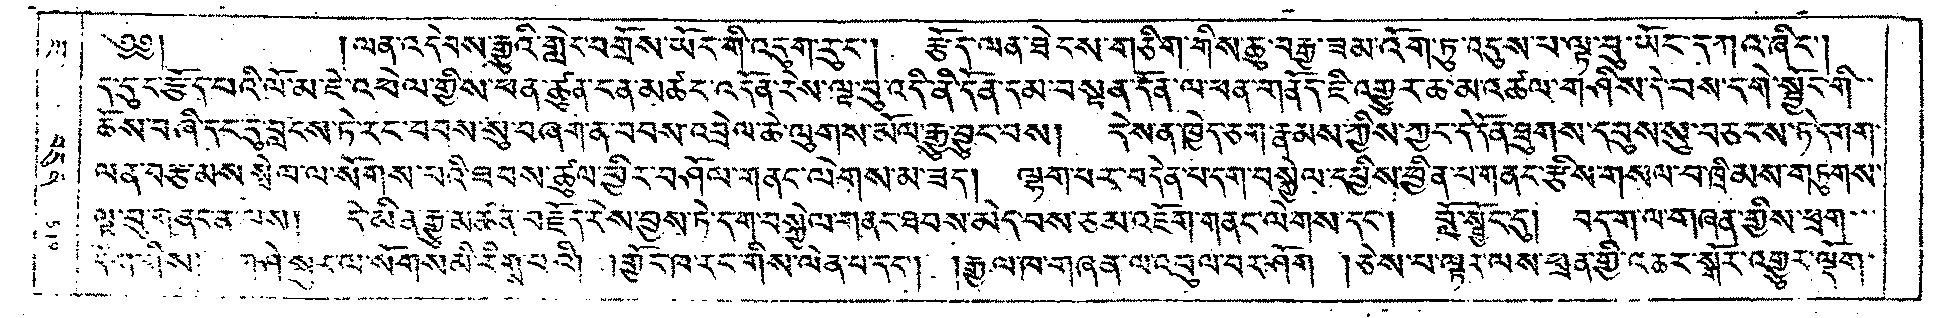༄༅། །ལན་འདེབས་རྒྱུའི་གླེང་བགྲོས་ཡོང་གི་འདུག་རུང་། རྩོད་ལན་ཐེངས་གཅིག་གིས་ཆུ་བརྒྱ་ཟམ་འོག་ཏུ་འདུས་པ་ལྟ་བུ་ཡོང་དཀའ་ཞིང་།
ད་དུང་རྩོད་པའི་ལོ་མ་ཇེ་འཕེལ་གྱིས་ཕན་ཚུན་ངན་མཚང་འདོན་རེས་ལྟ་བུ་འདི་ནི་དོན་དམ་བསྟན་དོན་ལ་ཕན་གནོད་ཇི་འགྱུར་ཆ་མ་འཚལ་གཤིས་དེ་བས་དགེ་སྦྱོང་གི་
ཆོས་བཞི་དང་དུ་བླངས་ཏེ་རང་བབས་སུ་བཞག་ན་བབས་འབྲེལ་ཆེ་ལུགས་མོལ་རྒྱུ་བྱུང་བས། དེས་ན་ཁྱེད་ཅག་རྣམས་ཀྱིས་ཀྱང་དེ་དོན་ཐུགས་དབུས་སུ་བཅངས་ཏེ་དགག་
ལན་བརྩམས་སྤེལ་ལ་སོགས་པའི་ཐབས་ཚུལ་ཕྱིར་བཤོལ་གནང་ལེགས་མ་ཟད། ལྷག་པར་བདེན་པ་དག་བསྐྱེལ་དཔྱིས་ཕྱིན་པ་གནང་རྩིས་གསལ་བ་ཁྲིམས་གཏུགས་
ལྟ་བུ་གནང་ན་ལས། དེ་མིན་རྒྱུ་མཚན་བརྗོད་རེས་བྱས་ཏེ་དག་བསྐྱེལ་གནང་ཐབས་མེད་པས་ཅམ་འཇོག་གནང་ལེགས་དང་། བློ་སྦྱོང་དུ། བདག་ལ་གཞན་གྱིས་ཕྲག་
དོག་གིས། །གཤེ་སྐུར་ལ་སོགས་མི་རིགས་པའི། །གྱོང་ཁ་རང་གིས་ལེན་པ་དང་། །རྒྱལ་ཁ་གཞན་ལ་འབུལ་བར་ཤོག །ཅེས་པ་ལྟར་ལས་ཕྲན་གྱི་འཆར་སྒོར་འགྱུར་ལྡོག་